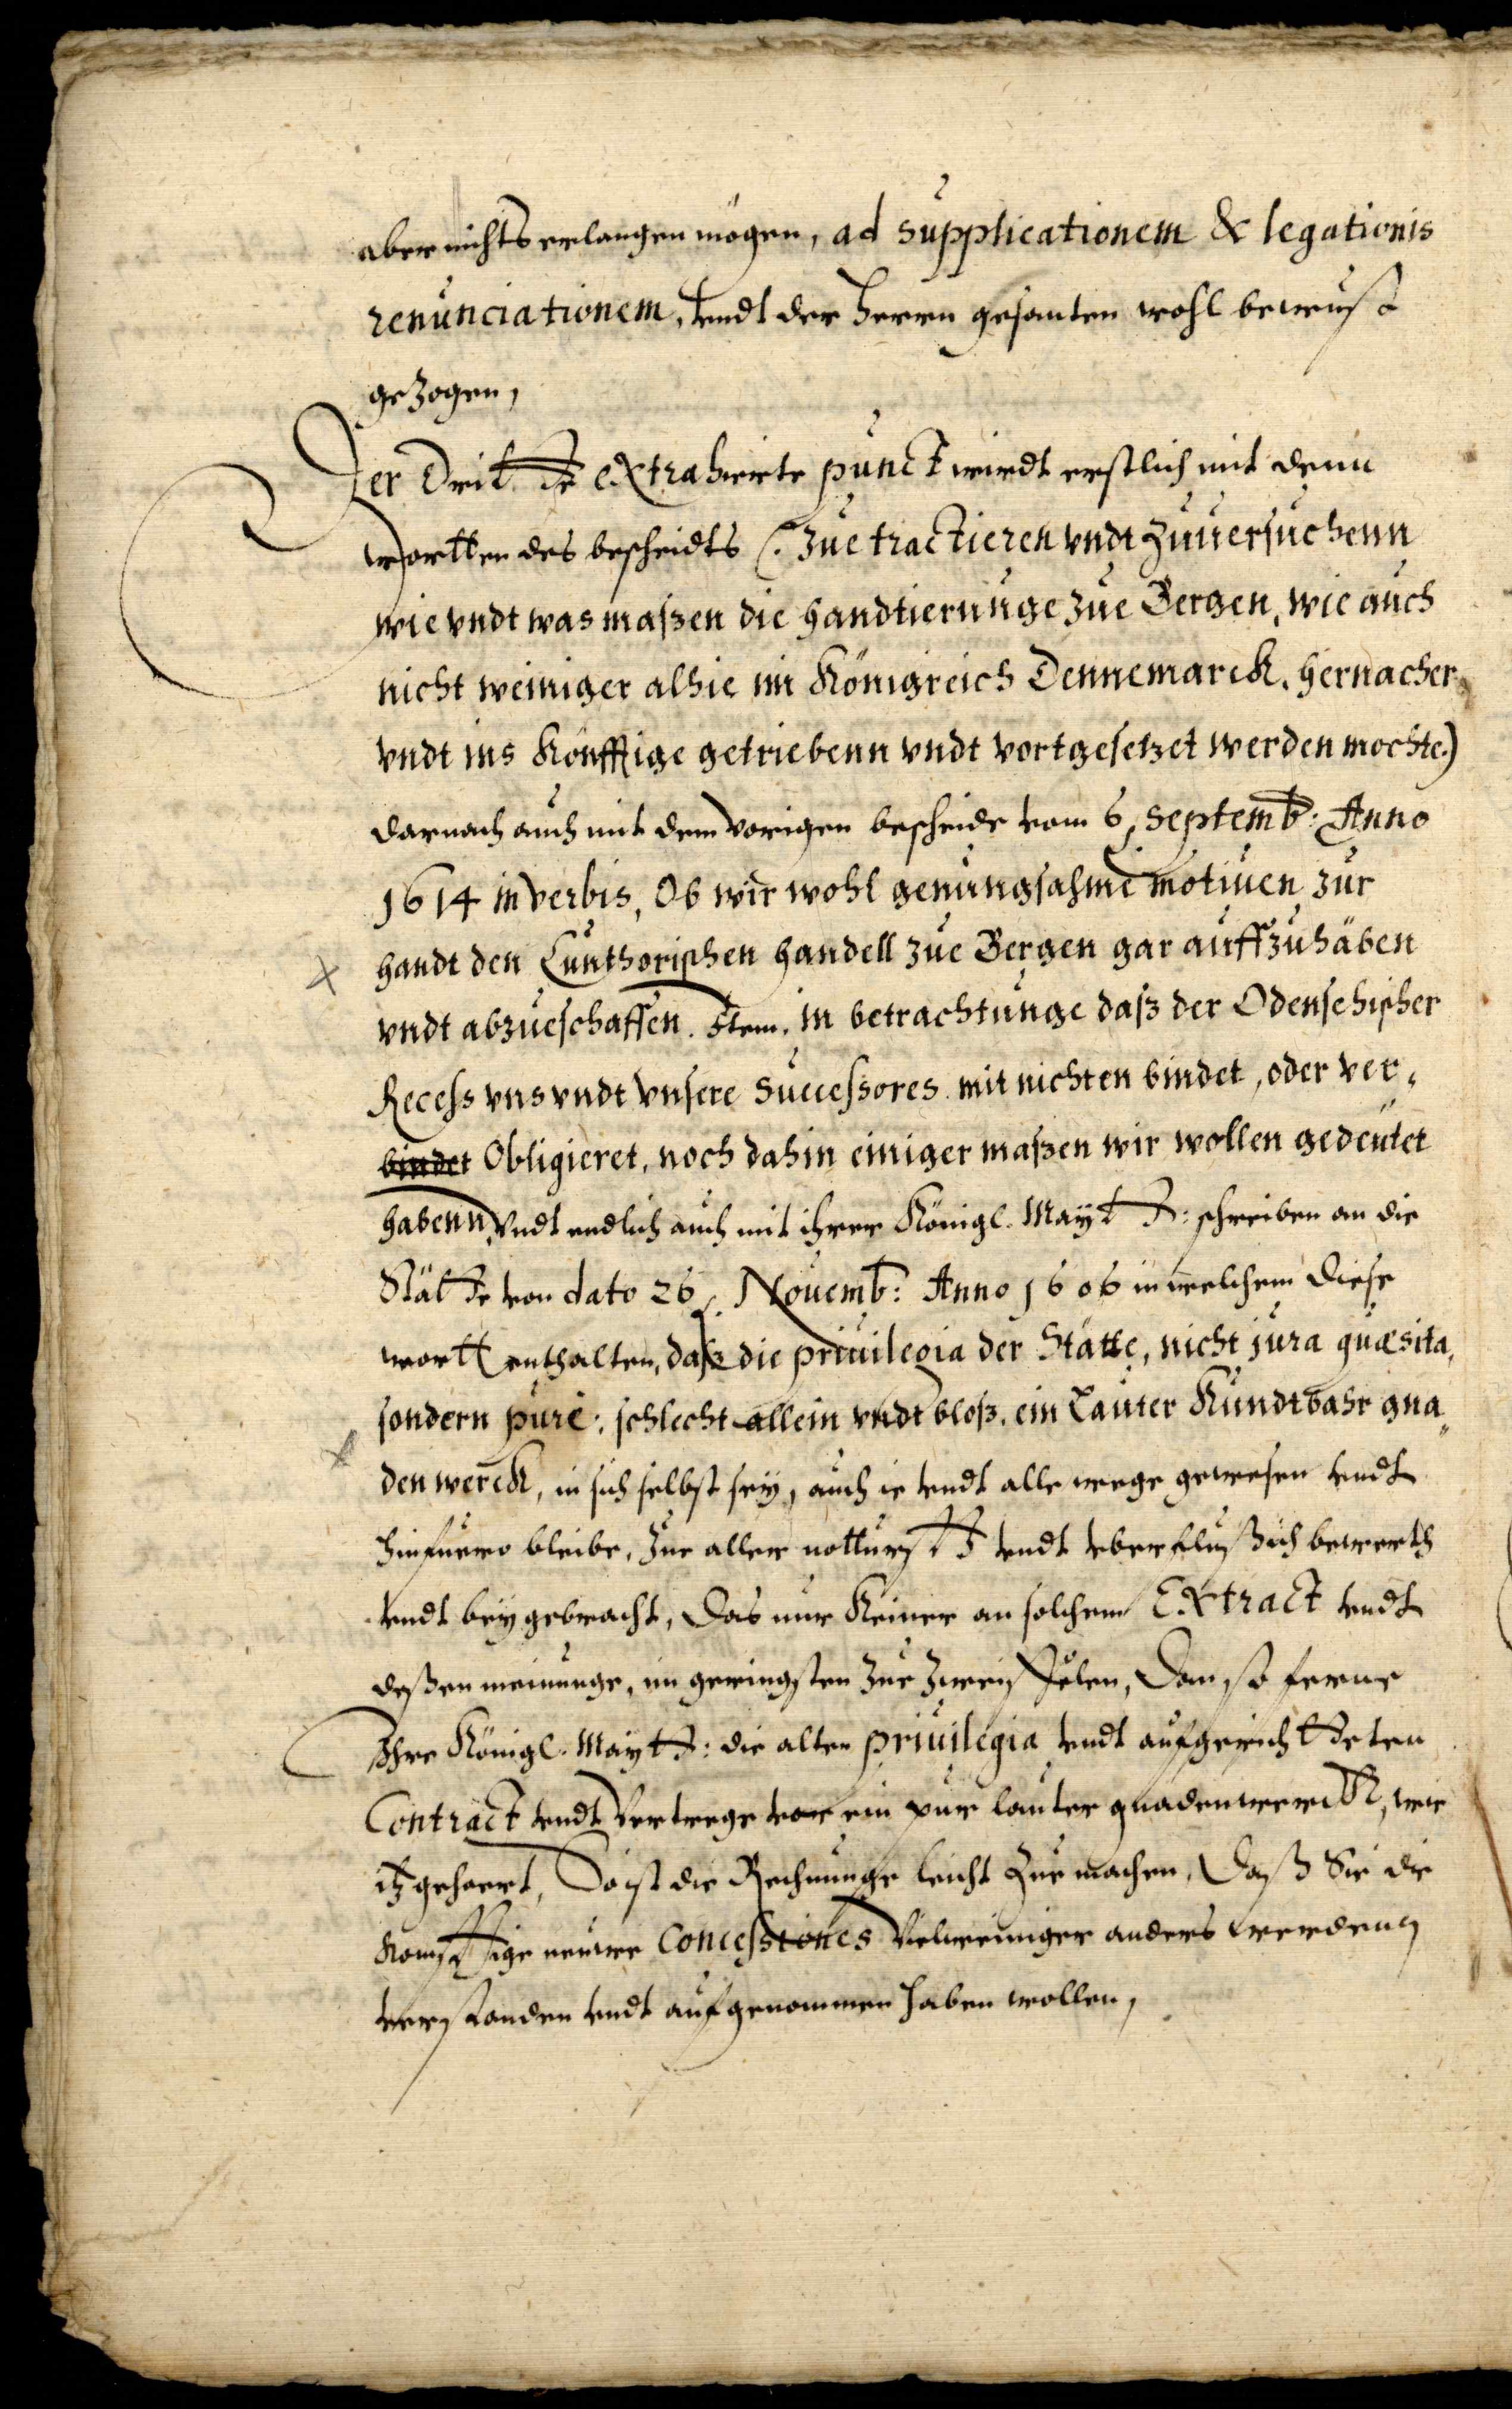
aber nichts erlangen mögen, ad supplicationem et legationis
renunciationem, vndt der Herrn gesanten wohl bewust
gezogen,
Der Dritte extrahierte punct wirdt erstlich mit denn
wortten des bescheidts (. zue tractieren vndt zuuersuchenn
wie vndt was maszen die handtierunge zue Bergen, wie auch
nicht weiniger alhie im Königreich Dennemarck, Hernacher
vndt ins könfftige getriebenn vndt vortgesetzet werden mochte.)
darnach auch mit dem vorigen bescheide vom 6. Septemb: Anno
1614 in verbis, Ob wir wohl genungsahme motiuen zur
handt den Cunthorischen handell zue Bergen gar auffzuhäben
vndt abzueschaffen. Item, in betrachtunge dasz der Odensehischer
Recess vns vndt vnsere successores mit nichten bindet, oder ver¬
bindet obligieret, noch dahin einiger maszen wir wollen gedeutet
habenn, Vndt endlich auch mit ihrer Königl. Maijtt: schreiben an die
Stätte von dato 26. Novemb: Anno 1606 in welchem diese
wortt enthalten, daß die priuilegia der Stätte, nicht jura quaesita,
sondern pure: schlecht allein vndt blosz, ein lauter Kundtbahr gna¬
den werck, in sich selbst seij, auch ie vndt alle wege gewesen vndt
hinfuero bleibe, zue aller notturftt vndt vberflußich bewerth
vndt beijgebracht, das nur keiner an solchem Extract vndt
deßen meinunge, im geringsten zue zweiffelen, Dan so ferne
Ihre Königl. Maijtt: die alten priuilegia vndt aufgerichtteten
Contract vndt Vertrege vor ein pur lauter gnadenwerck, wie
itz gehoert, So ist die Rechnunge leicht zue machen, Daß Sie die
komfftige neuwe Concessiones Vielweiniger anders werdenn
verstanden vndt aufgenommen haben wollen,
